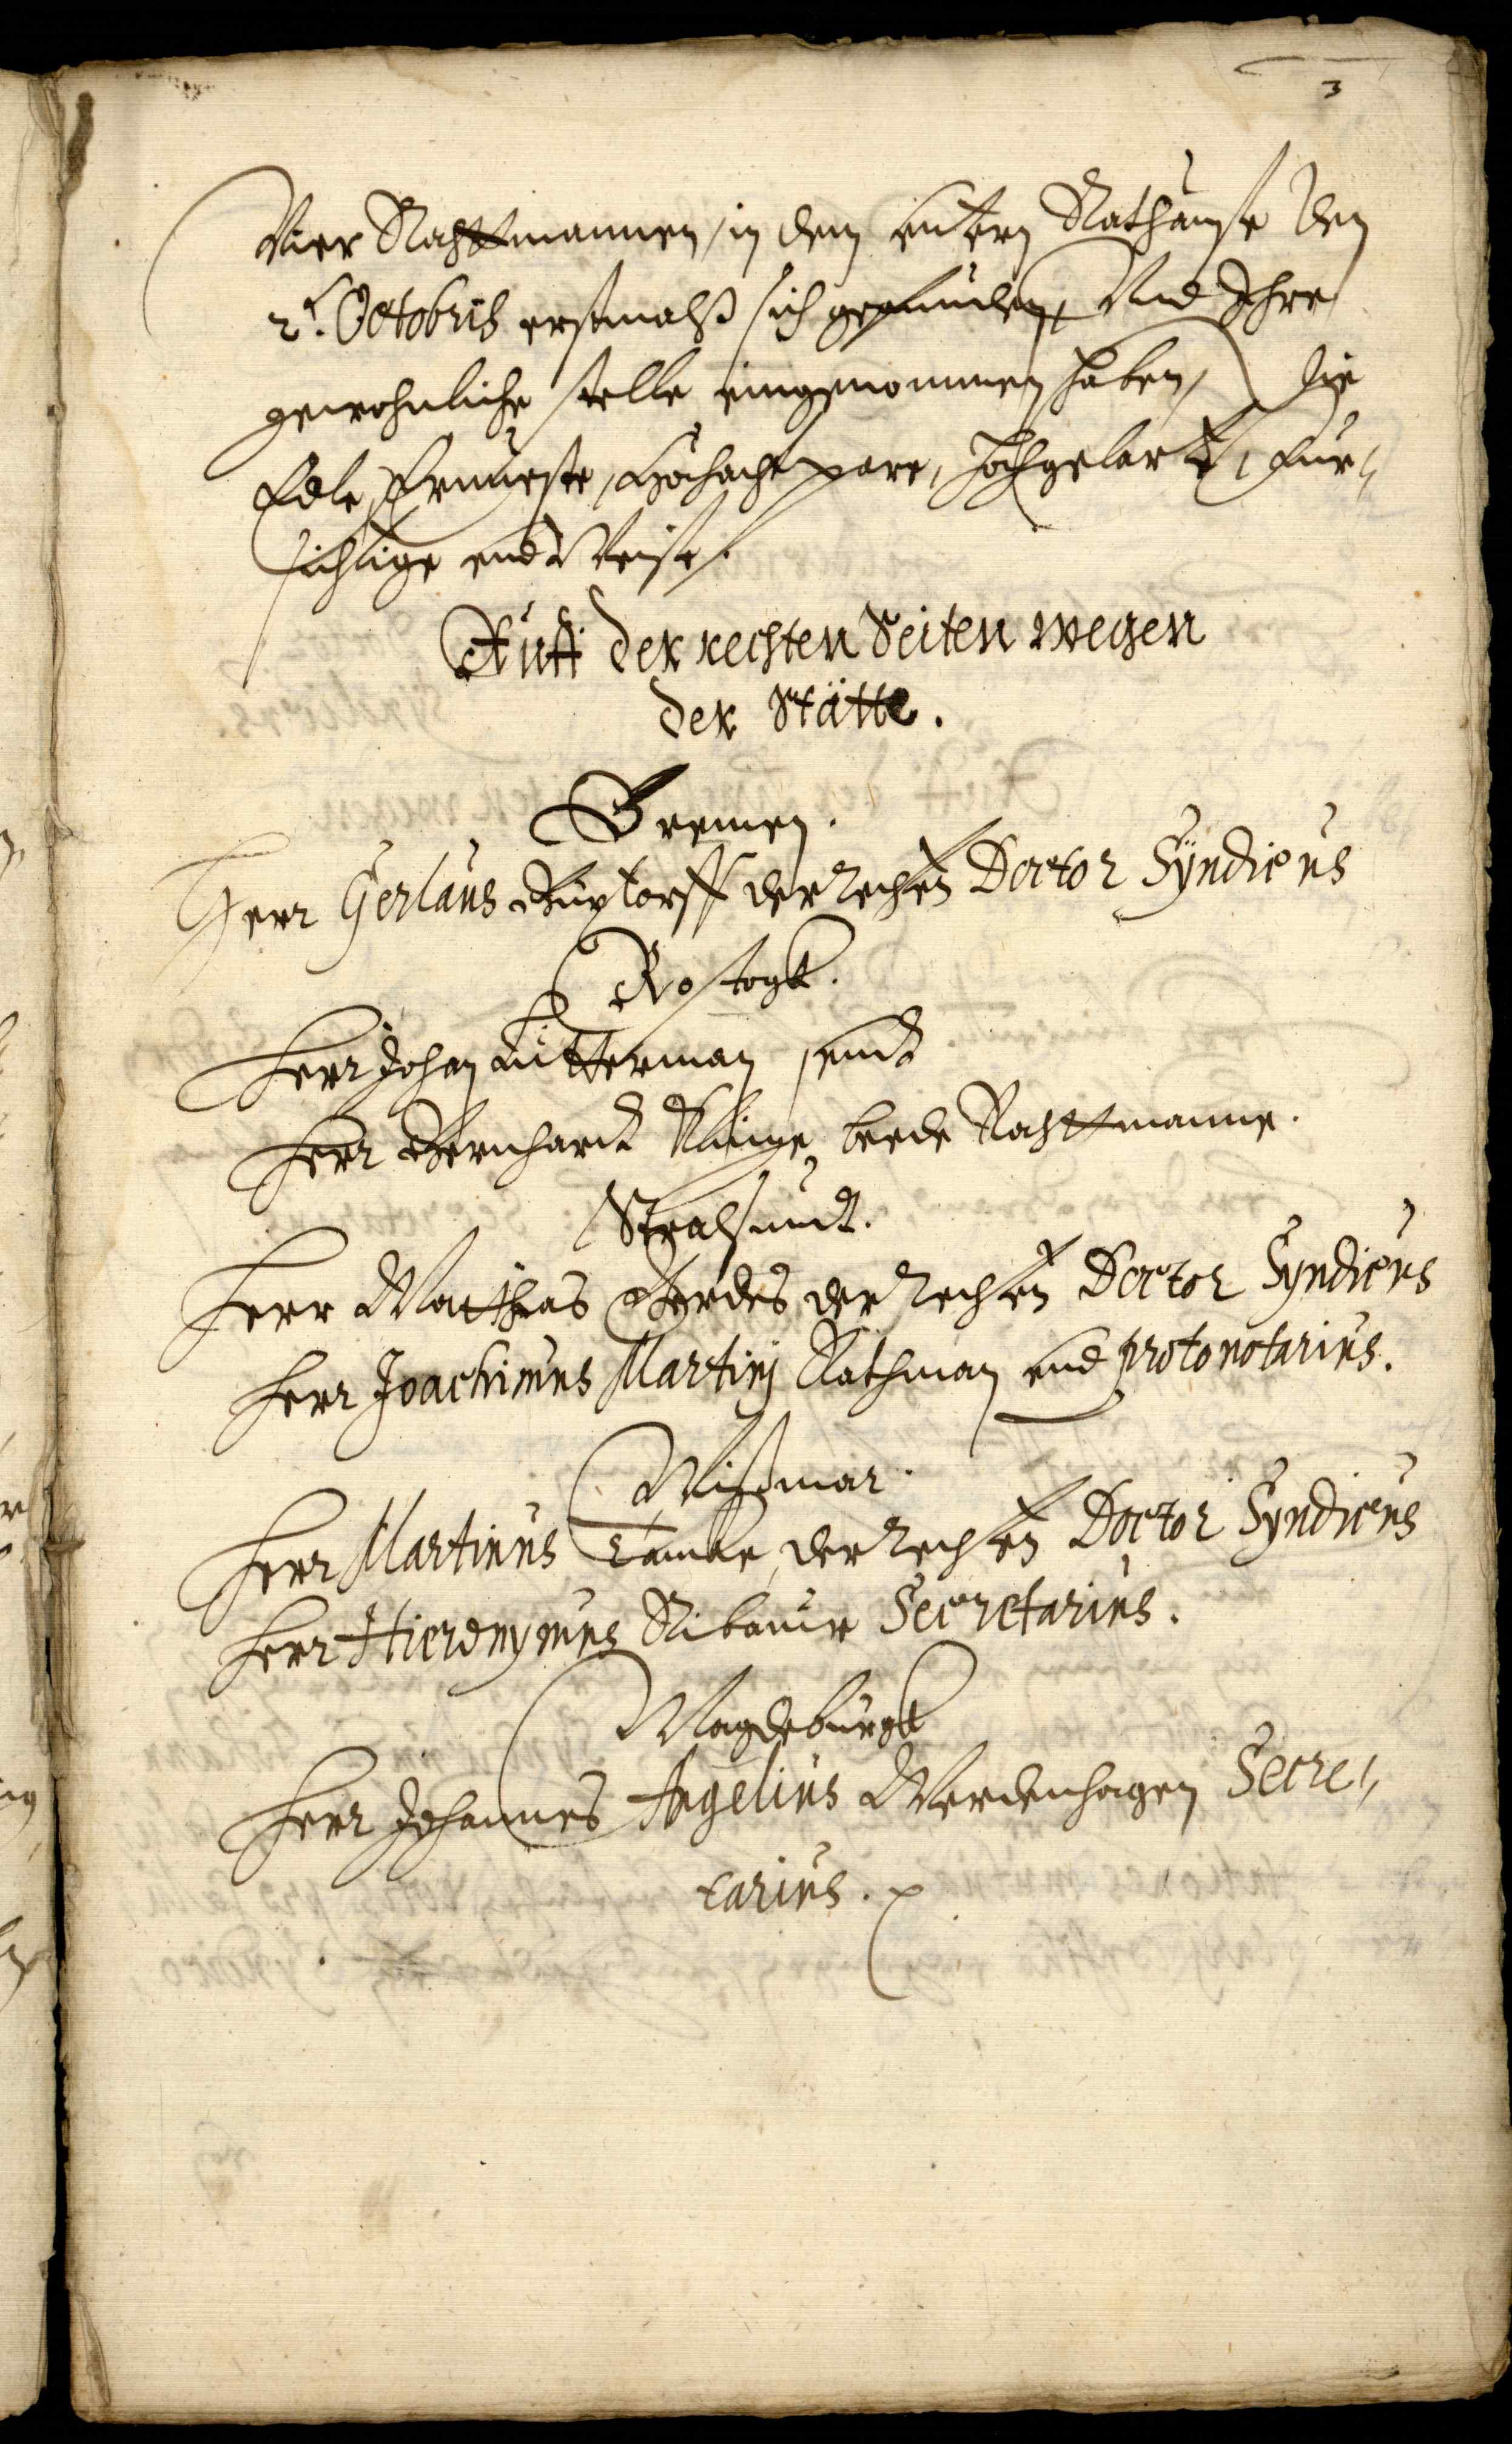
3
Vier Rahttmannen, in dem vntern Rathause den
2.t Octobris erstmals sich gefunden, Vnd Ihre
gewohnliche stelle eingenommen haben, die
Edle, Ernueste, Hochachtpare, hochgelarte, Fur¬
sichtige und Weise.
Auff der rechten Seiten wegen
der Stätte
Bremen.
Herr Gerlaus Buxtorff der rechten Doctor Sijndicus
Rostogk.
herr Iohan Lutterman, vndt
herr Bernhard Klinge beede Rahttmanne
Stralsundt.
herr Matthias Gerdes der rechten Doctor Syndicus
herr Ioachimus Martinj Rathmann vnd protonotarius.
Wißmar.
herr Martinus Tancke, der rechten Doctor Syndicus
herr Hieronymvs Ribauer Secretarius.
Magdeburgk
herr Iohannes Angelivs Werdenhagen Secre¬
tarius. p
